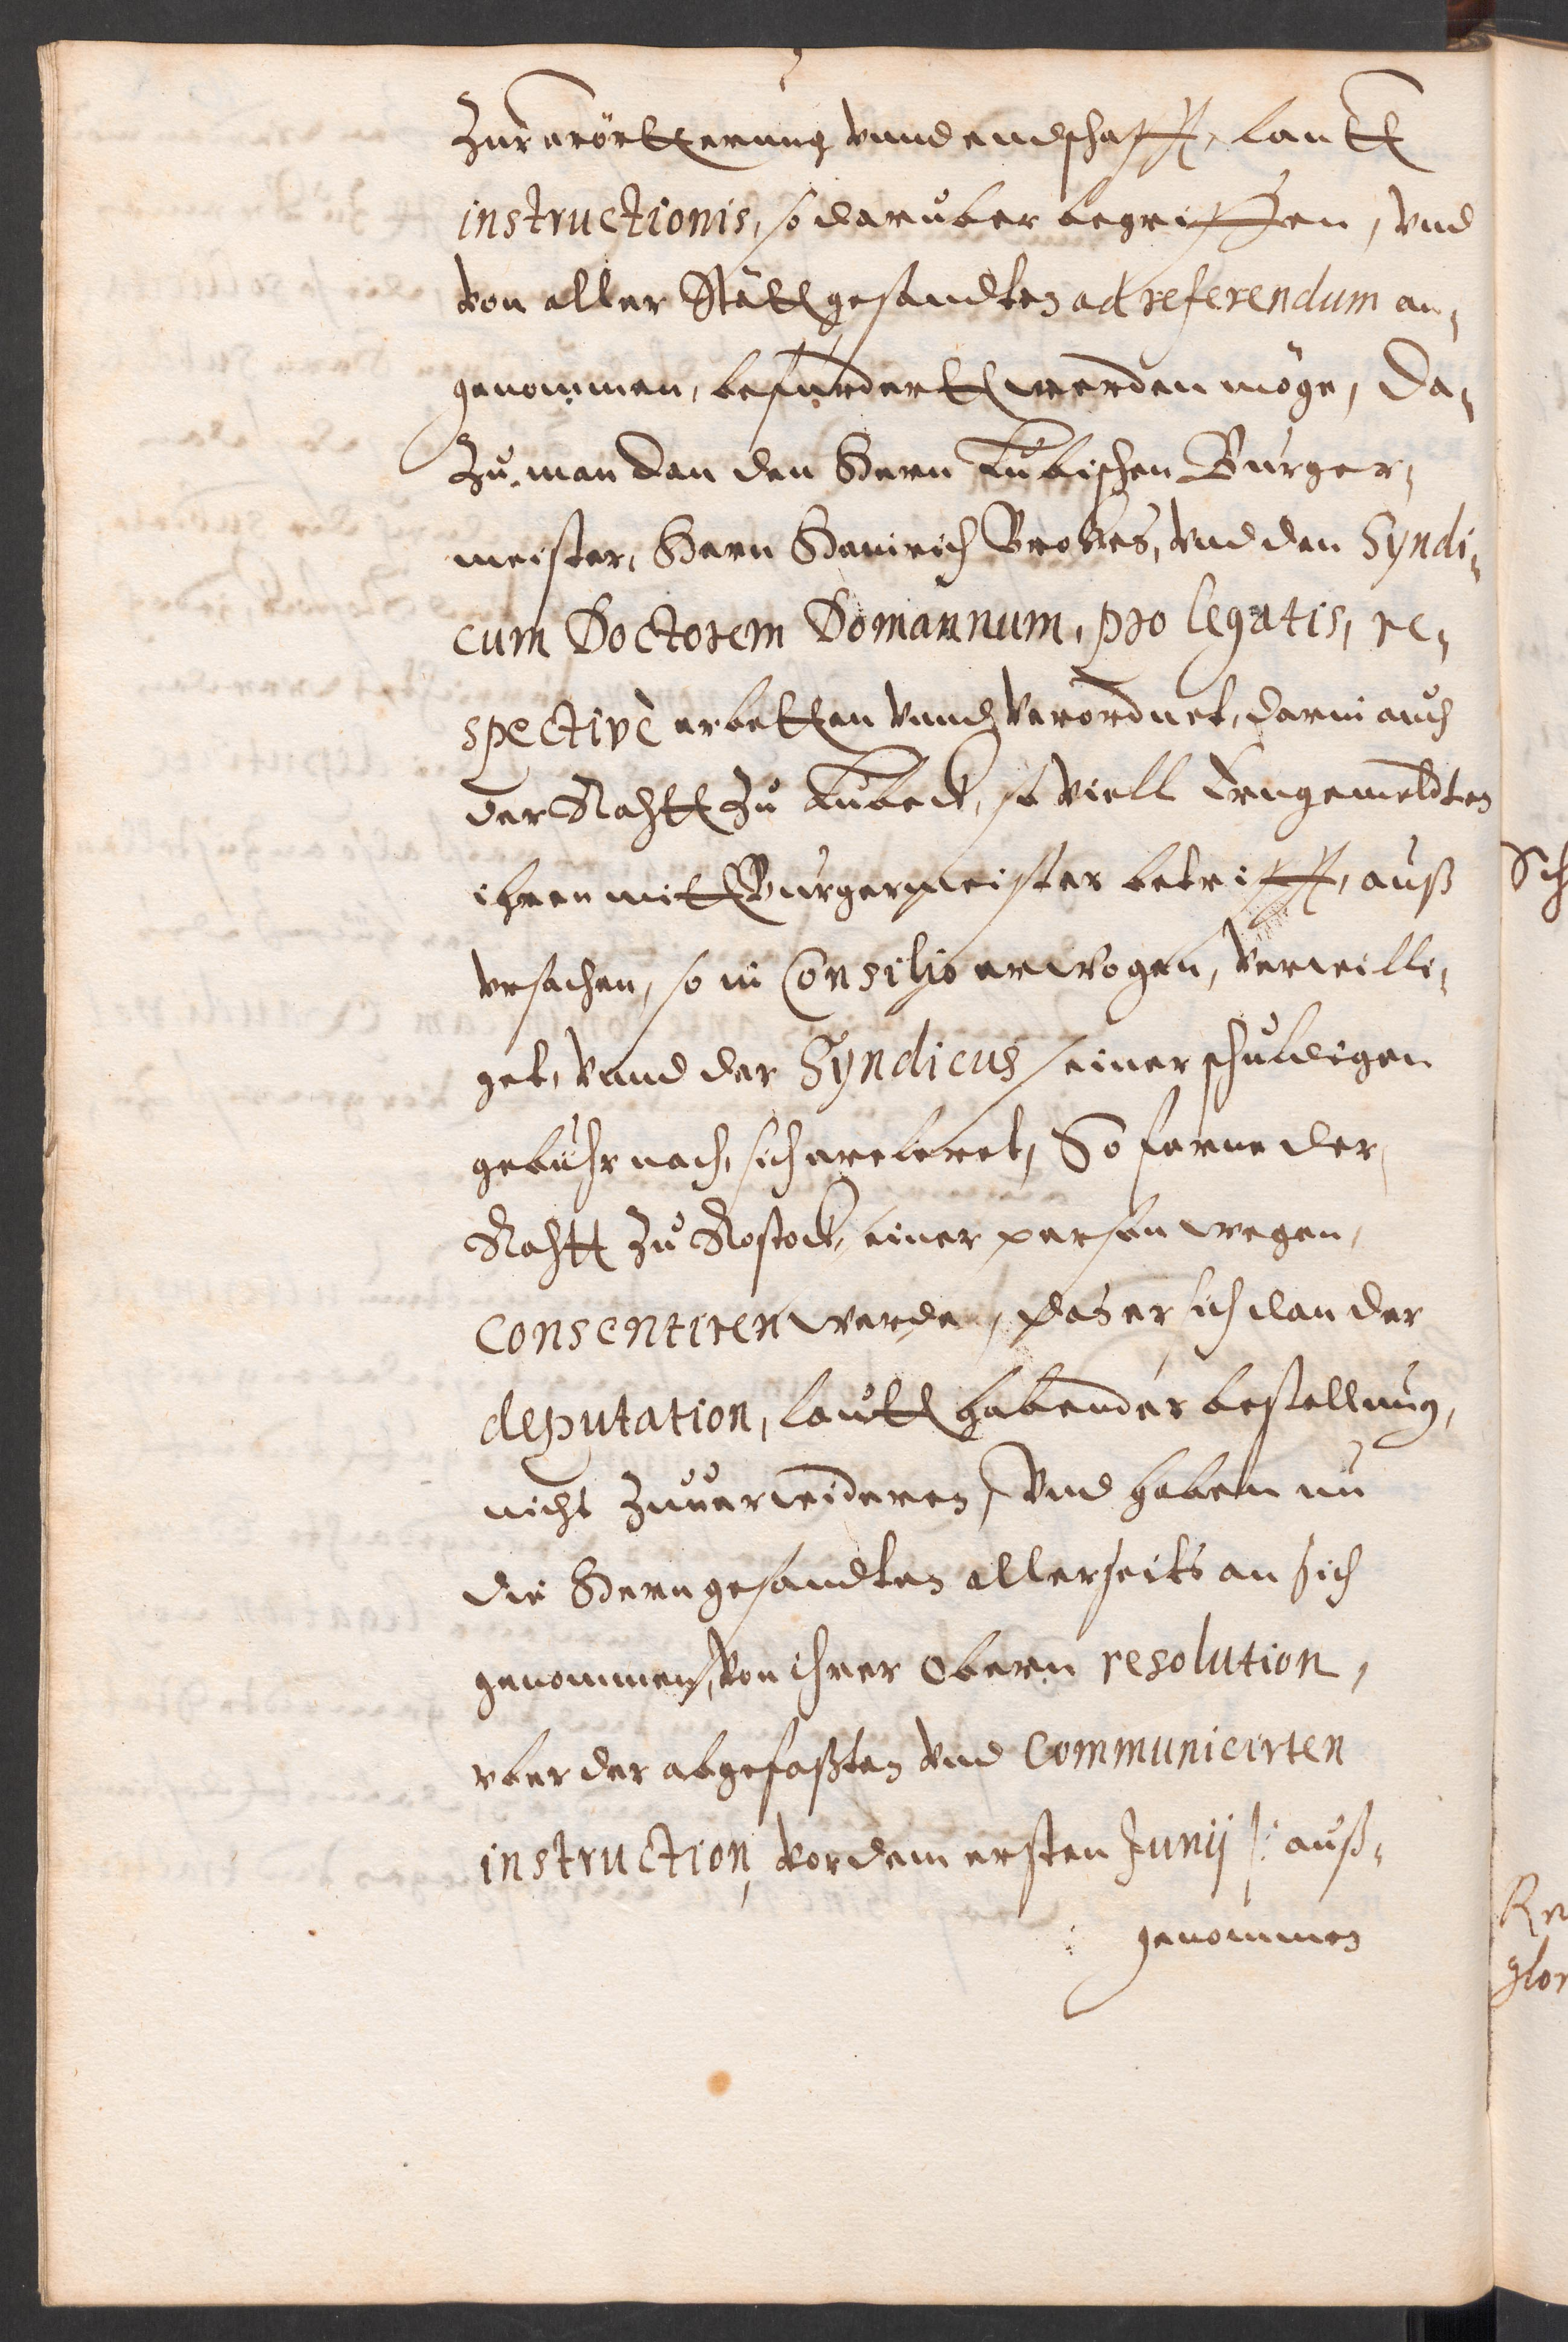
zur erörtterung vnnd endschafft, lautt
instructionis, so daruber begriffen, vnd
von aller Stätt gesandten ad referendum an¬
genommen, befurdertt werden möge, da¬
zu man dan den Hern Lubischen Burger¬
meister, Hern Heinrich Brokes, vnd den syndi¬
cum Doctorem Domannum, pro legatis, re¬
spective erbetten vnnd verordnet, darin auch
der Rahtt zu Lubeck, so viell Erngemeldten
ihren mittBurgermeister betrifft, auß
vrsachen, so in Consilio erwogen, verwilli¬
get, vnnd der Syndicus seiner schuldigen
gebühr nach, sich ercleret, So ferne der,
Rahtt zu Rostock seiner person wegen,
consentiren werde, das er sich dan der
deputation, lautt habender bestellung,
nicht zuuerwideren, Vnd haben nu
die Hern gesandten allerseits an sich
genommen, Von ihrer obern resolution,
vber der abgefaßten vnd communicirten
instruction, vordem ersten Junij /: auß¬
genommen
